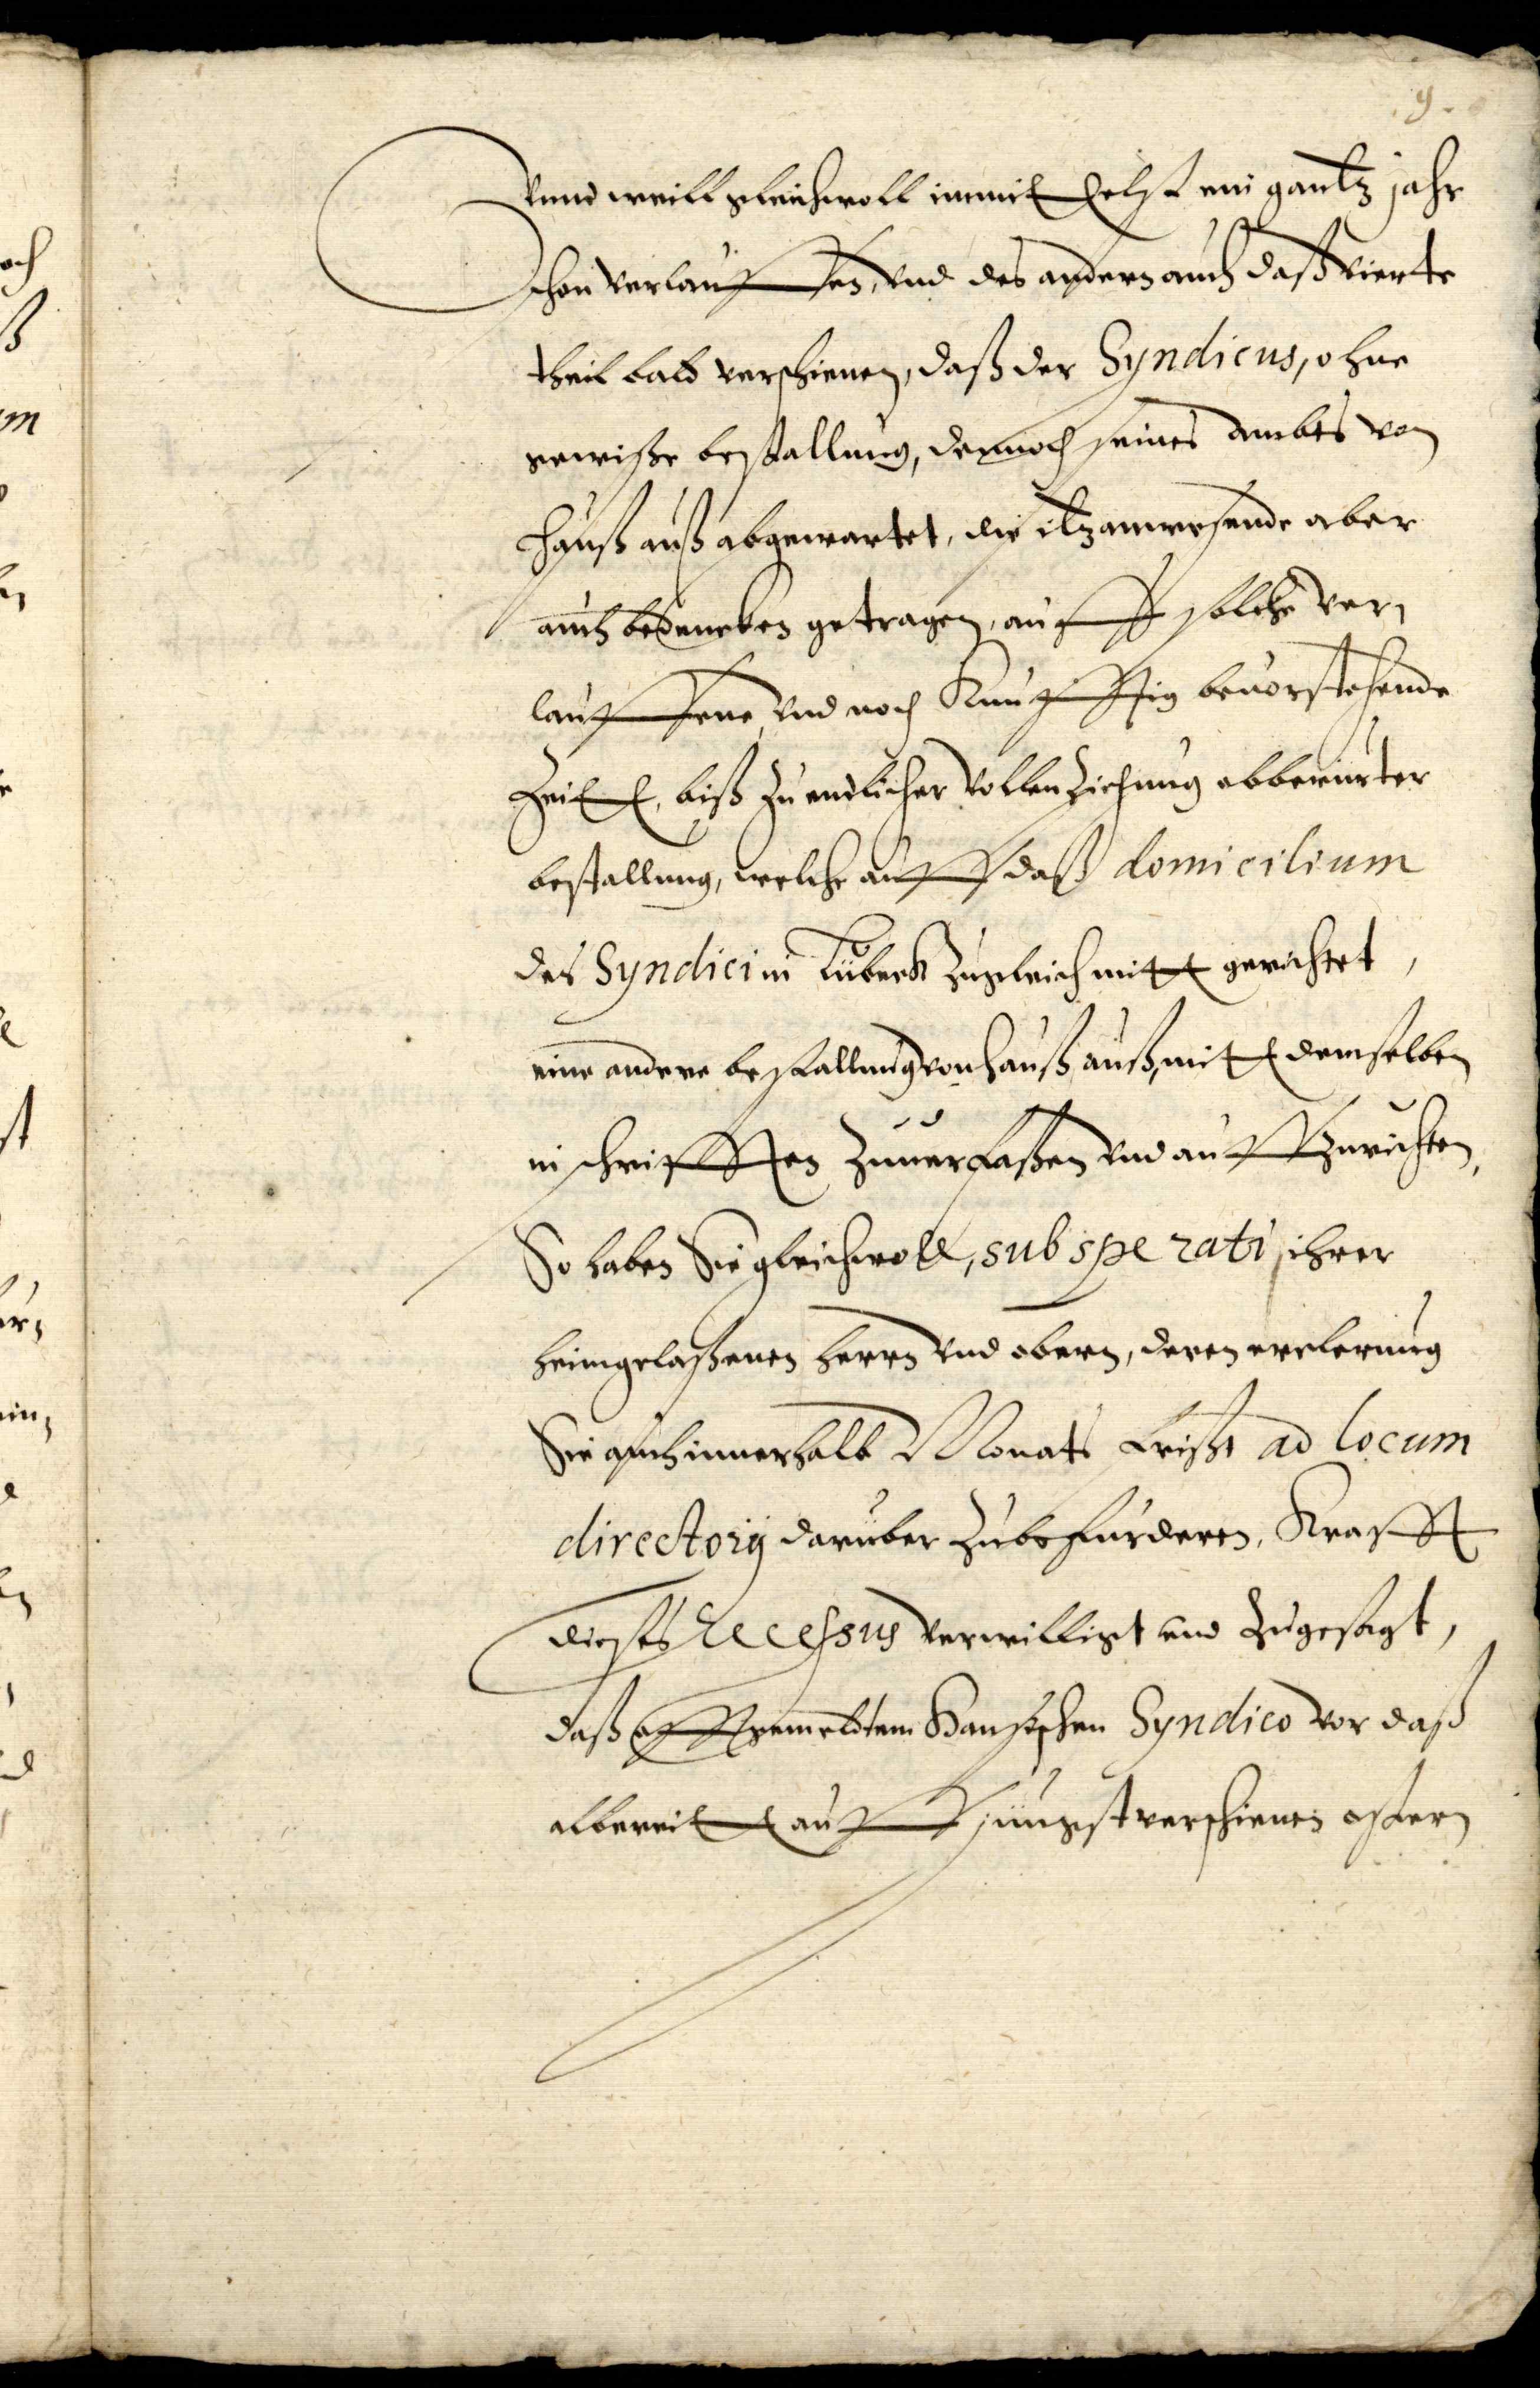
9.
vnd weill gleichwoll immittelst ein gantz jahr
schon verlauffen, vnd des andern auch daß vierte
theil bald verschienen, daß der Syndicus, ohne
gewiße bestallung, dennoch seines ambts von
hauß auß abgewartet, die itz anwesende aber
auch bedencken getragen, auff solche ver¬
lauffene, vnd noch Kunfftig beuorstehende
Zeitt, biß zu endlicher vollenziehung abberürter
bestallung, welche auff daß domicilium
des Syndici in Lübeck zugleich mitt gerichtet,
eine andere bestallung von hauß auß, mitt demselben
in schritten zuuerfaßen vnd auffzurichten,
So haben sie gleichwoll, sub spe rati ihren
heimgelaßenen herrn vnd obern, deren erclerung
Sie auch innerhalb Monats frißt ad locum
directorij darüber zubofurderen, Kraftt
dieses recessus verwilligt vnd zugesagt,
daß afftgemeldtem Hansischen Syndico vor daß
albereitt auff jüngst verschienen ostern
